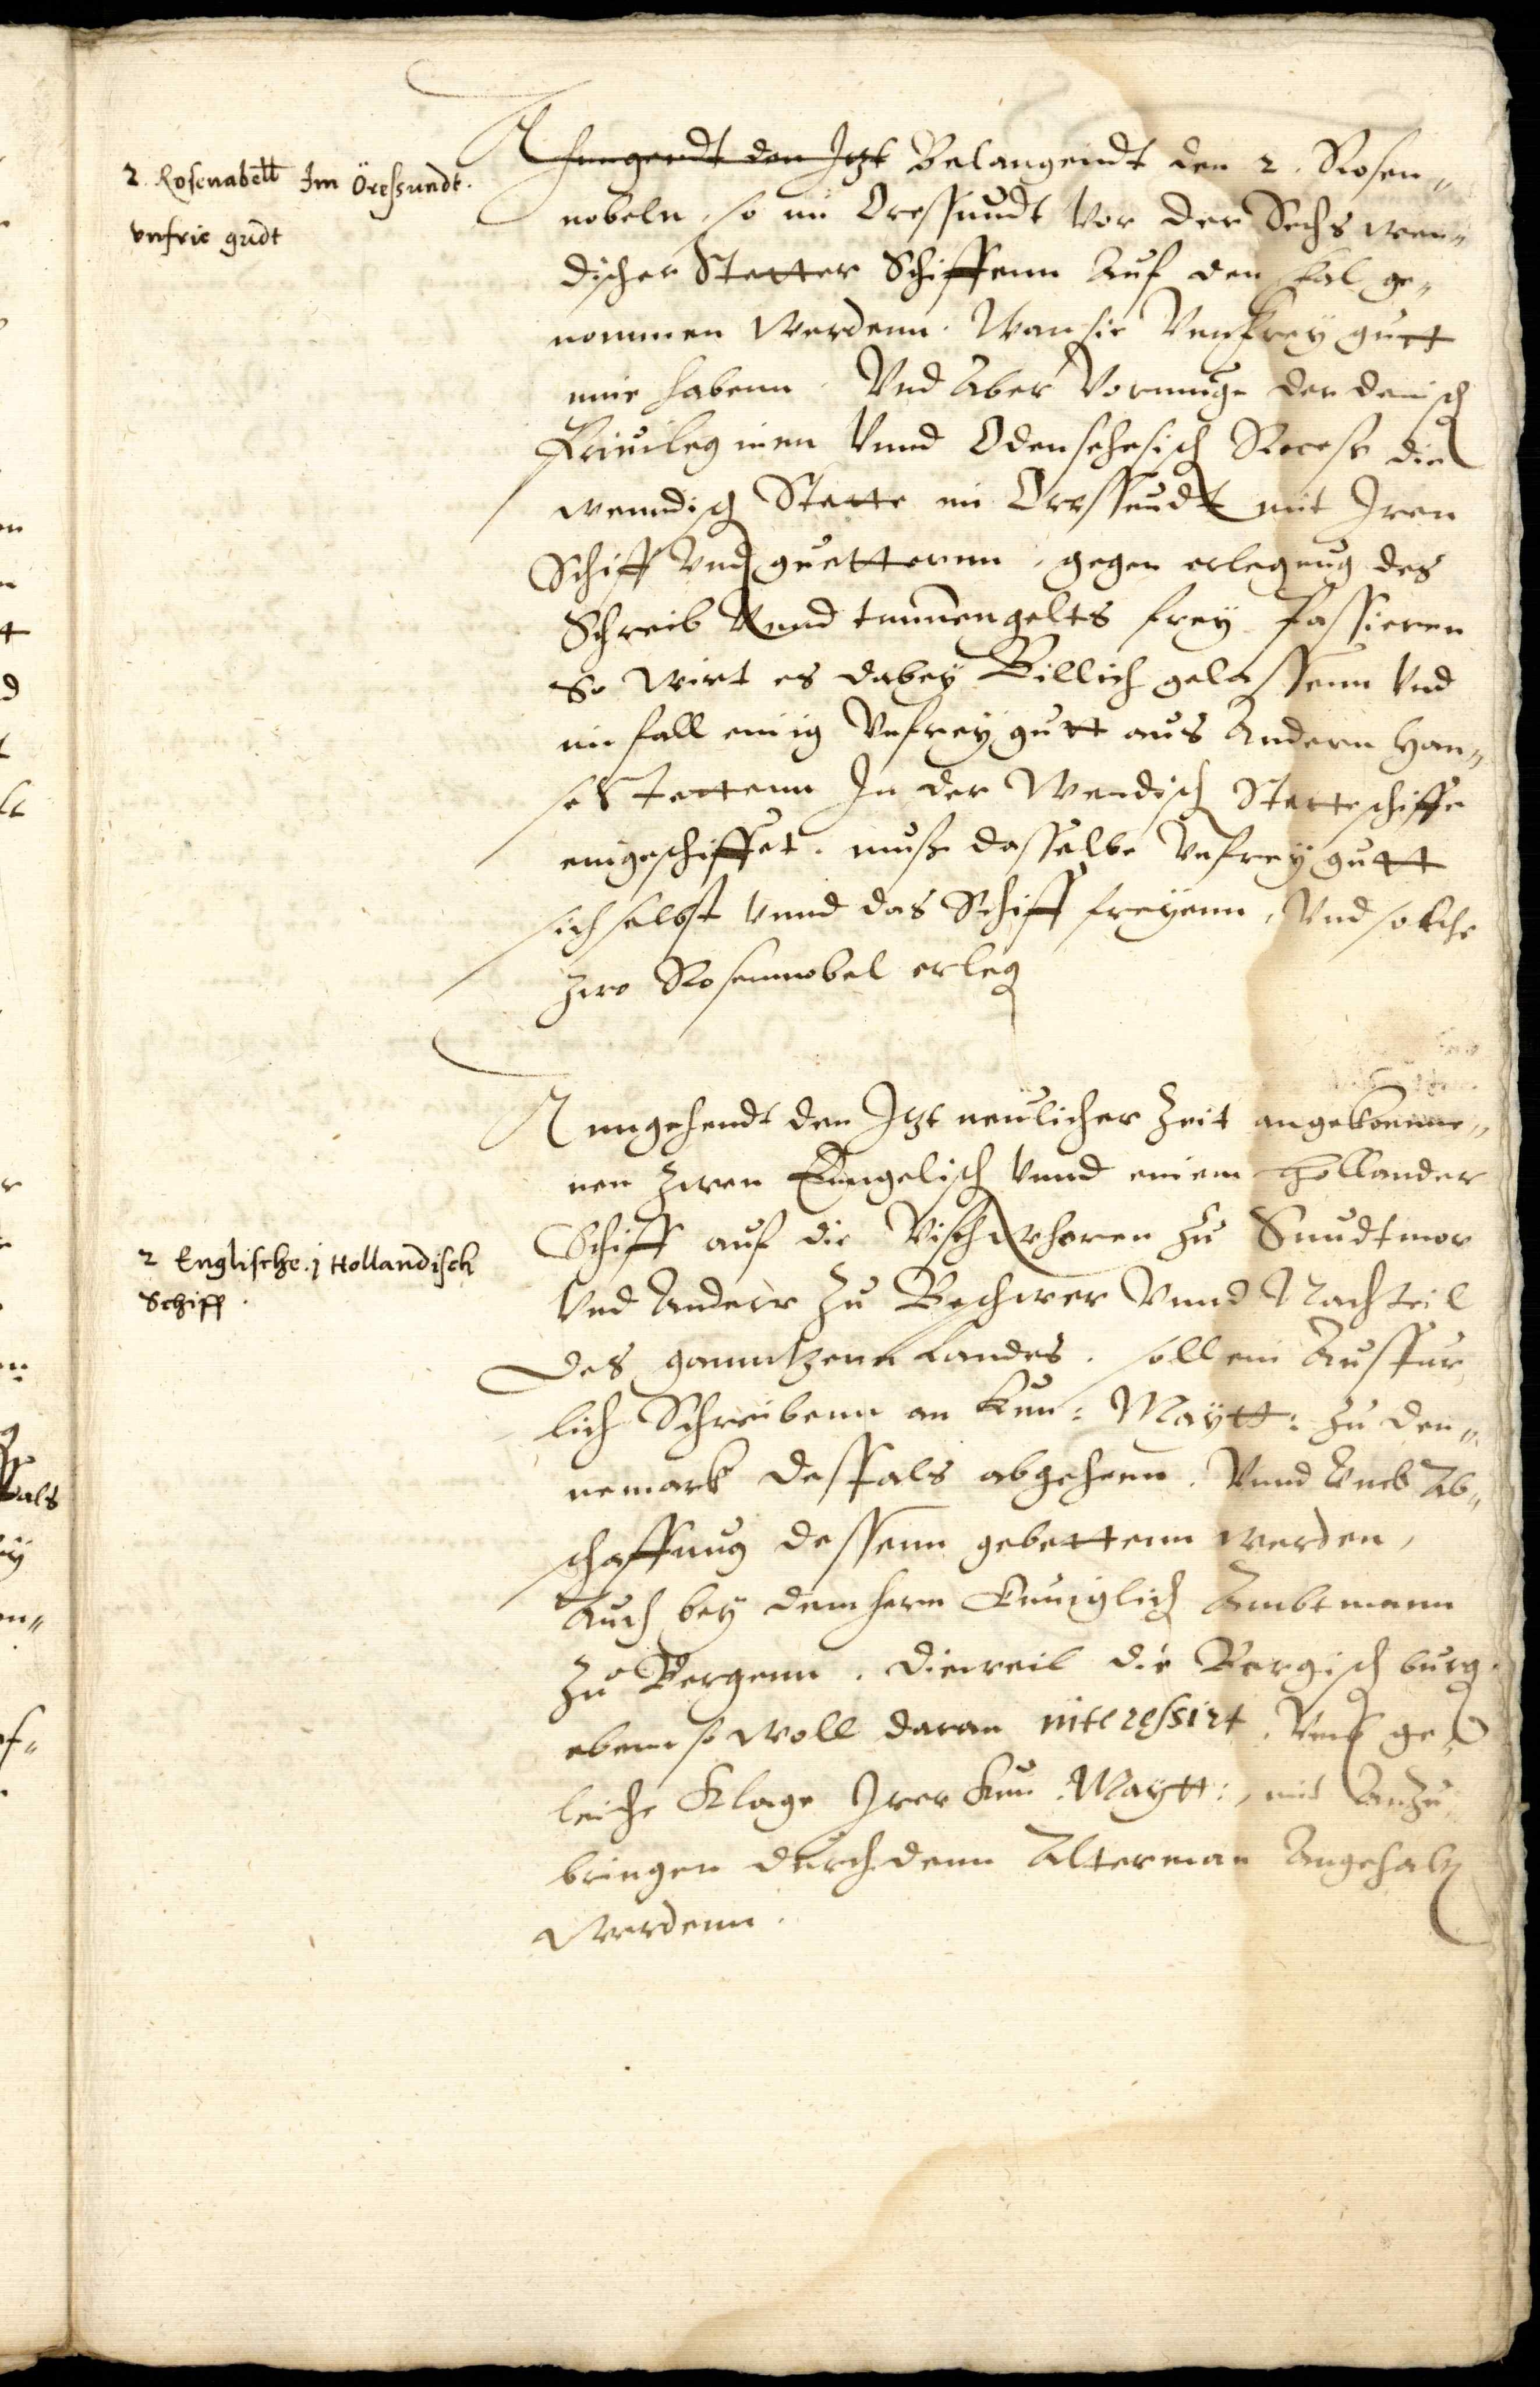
2. Rosenabell Im Öressundt
vnfrie gudt
Anhangendt der Izt Belangendt den 2. Rosen¬
nobeln, so im Oressundt Vor der Sechs wen¬
dischen Stetter Schiffenn Auf den Fal ge¬
nommenn Werdenn, Wan sie Vnnfreij gutt
inne habenn, Vnd Aber Vormuge der denischen
Priuilegienn Vnnd Odensehesischen Receß die
wendischen Stette im Oressundt mit Iren
Schiff Vnd guetternn, gegen erlegung des
Schreib Vnnd tunnengelts freij Passieren
So wirt es dabeij Billich gelassenn Vnd
im fall einig Vnfreij gutt aus Andern Han¬
sestettenn In der Wendischen Stette schiffe
eingeschiffet, muß dasselbe Vnfreij gutt
sich selbst Vnnd das Schiff freijenn, Vnd solche
zwo Rosennobel erlegen
2 Englische. 1 Hollandisch
Schiff.
Anngehendt den Itzt neulicher Zeit angekomme¬
nen zwen Enngelischen vnnd einem Hollander
Schiff auf die Vischwhoren zu Sundtmor
vnd Andere zu Beschwer Vnnd Nachteil
des ganntzenn Landes, soll ein Ausfur¬
lich Schreibenn an Kun: Maijtt: zu den¬
nemark desfals abgehenn, Vnnd vmb Ab¬
schaffung dessenn gebettenn werden,
Auch beij dem hern Kuniglichen Ambtmann
zu Bergenn, dieweil die Bergischen burgen
ebenso woll daran interessirt, Vmb ge¬
leiche Klage Irer Kun. Maijtt:, mit Anzu¬
bringen durch denn Alterman Angehalten
werdenn.
